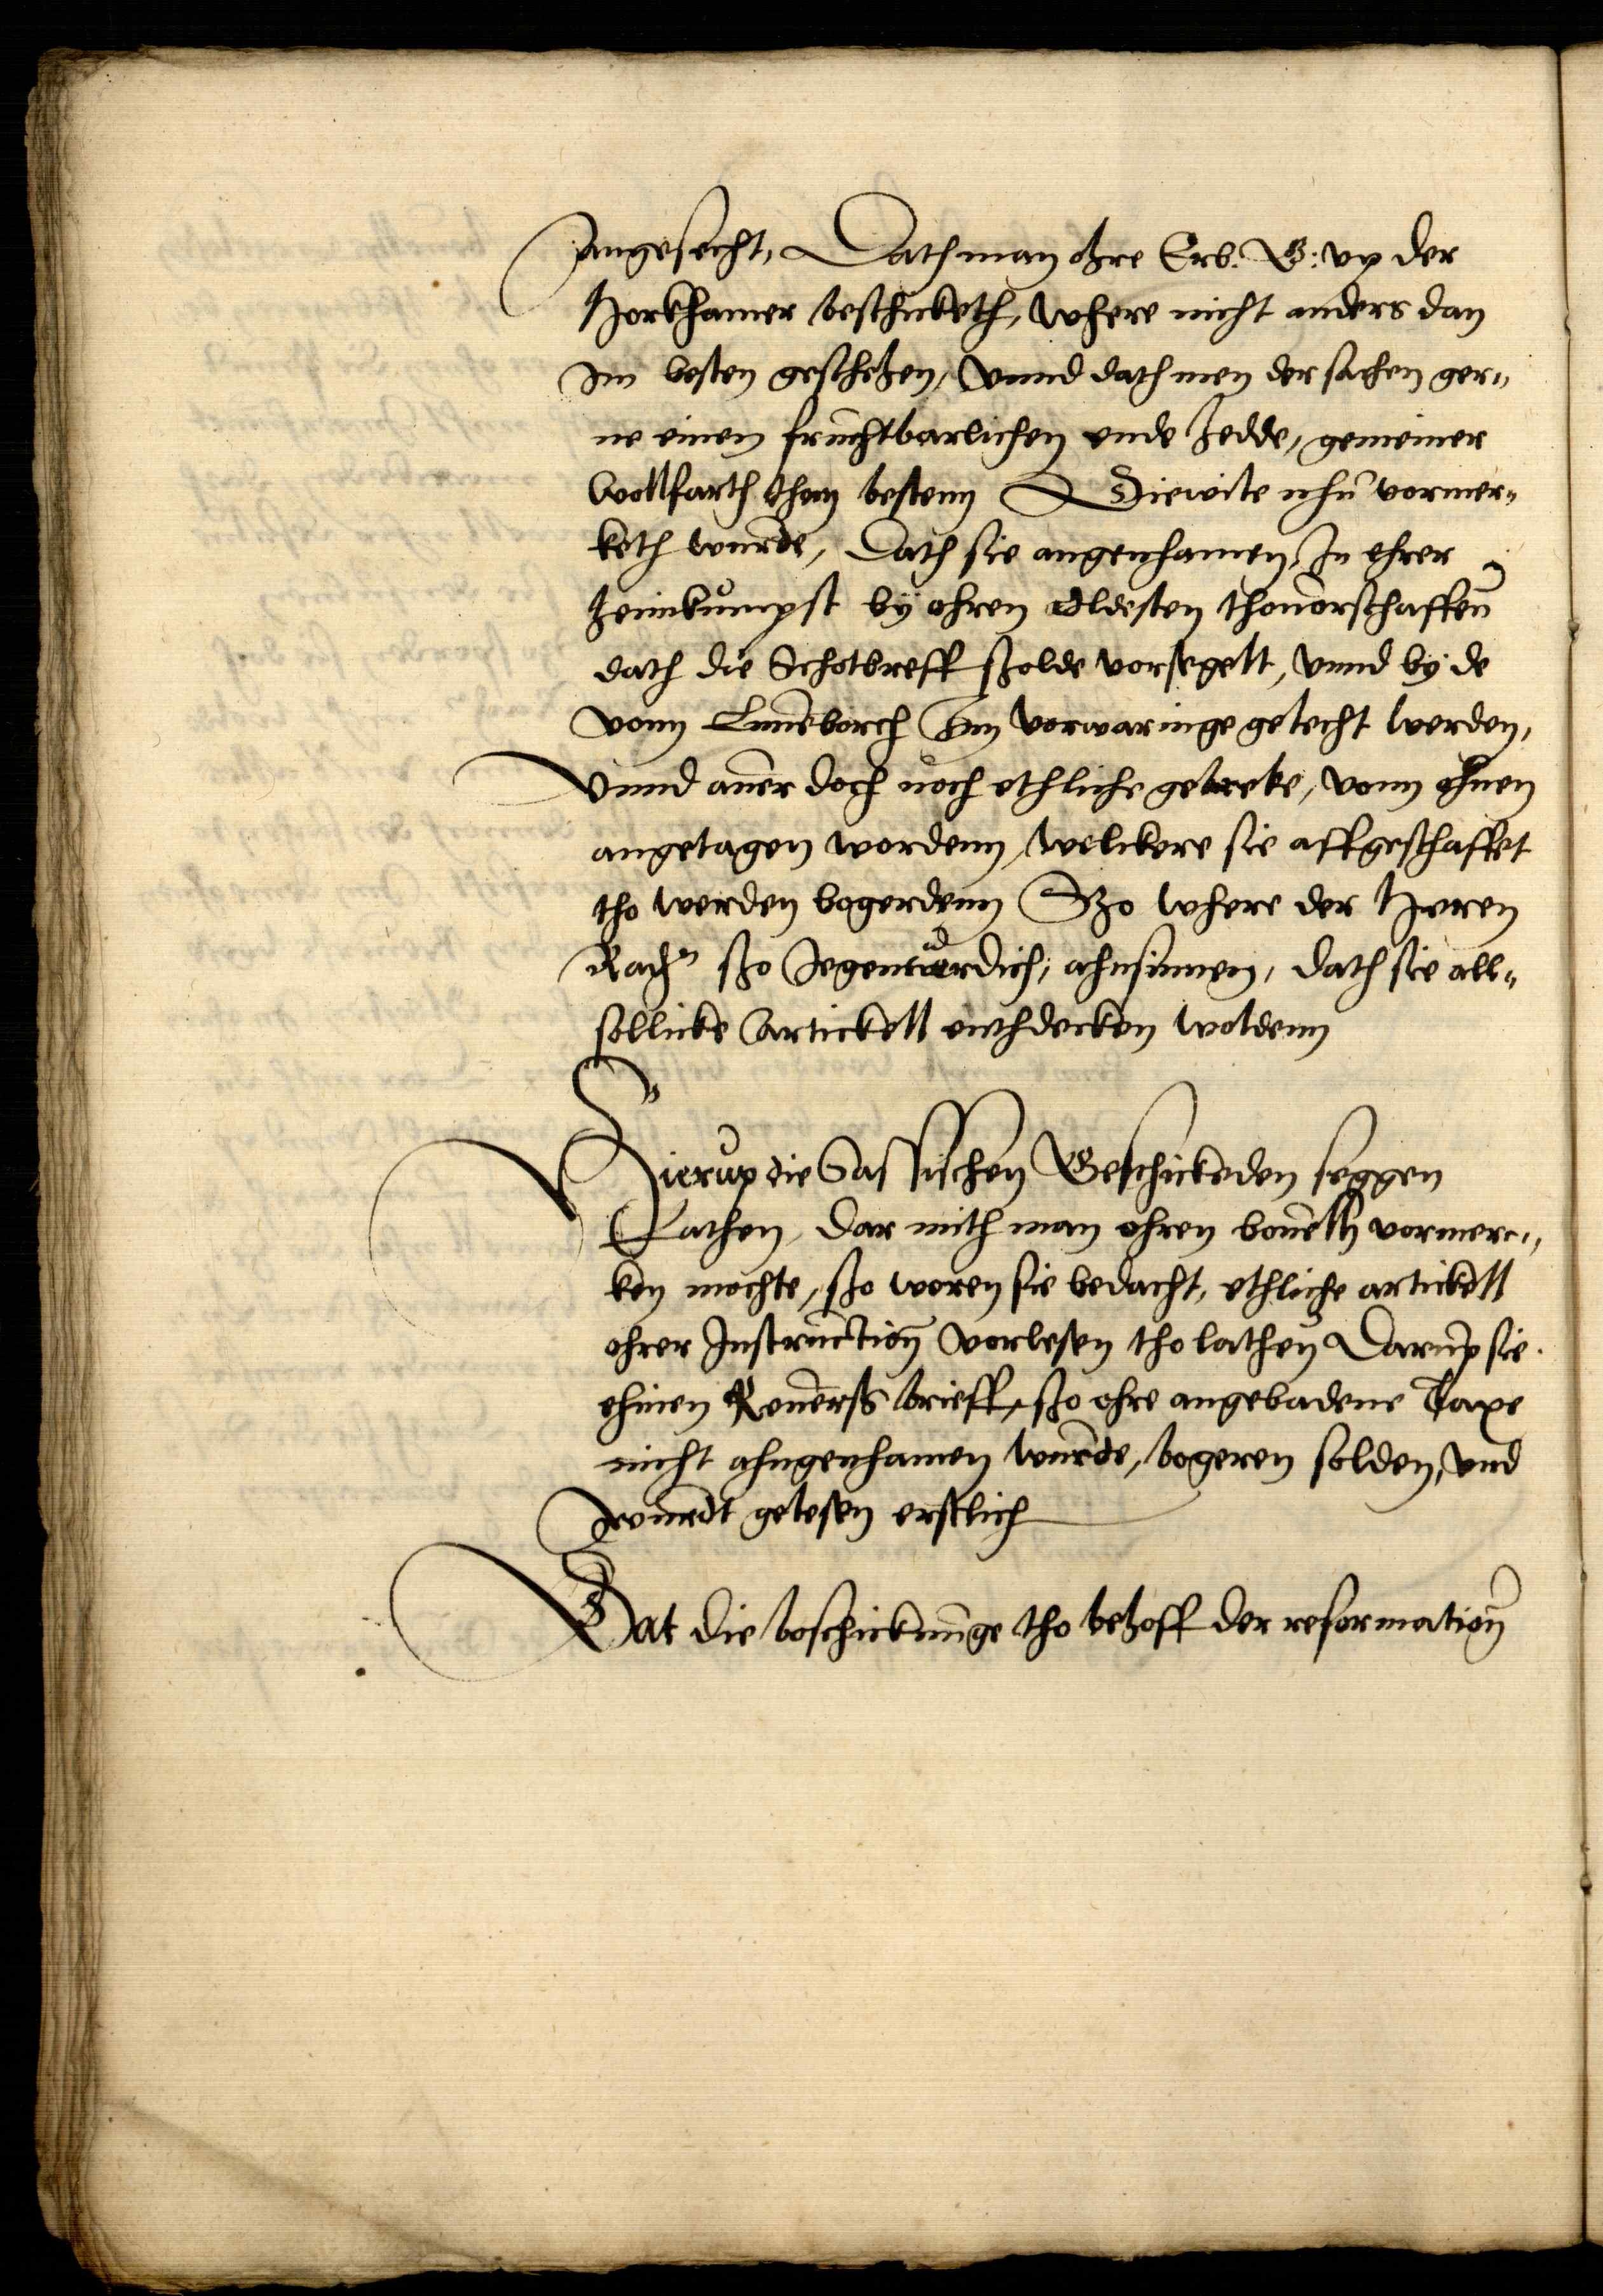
Angesecht, Dath man ohre Erb: G: vp der
Horkhamer beschicketh, Where nicht anders dan
Im besten geschehen, Vnnd dath man der sachen ger¬
ne einen fruchtbarlichen ende hedde, gemeiner
wollfarth thom bestenn Diewile nhu vormer¬
keth wurde, Dath sie angenhamen, In ehrer
heimkumpst bij ohren Oldesten thouorschaffen
dath die Schotbreff ßolde vorsegelt, vnnd bij de
vonn Luneborch Inn Vorwar ingegelecht werden,
Vnnd auer doch noch ethliche gebreke, vonn ohnen
angetagen wordenn, welckere sie affgeschaffet
tho werden bogerdenn Szo where der Heren
Radessendeboden ßo Iegenuerdich, ahnsinnen, dath sie all¬
sollicke Artickell entdecken woldenn
Hierup die Sassischen Geschickeden seggen
lathen, dar mith man ohren bouelh vormerc¬
ken mochte, ßo weren sie bedacht, etliche artickell
ohrer Instruction vorlesen tho lathen Darup sie
ehinen Reuerss brieff, szo ohre angebadene Taxe
nicht ahngenhamenn wurde, bogeren solden, vnd
wurdt gelesen erstlich
Dat die beschickunge tho behoff der reformation
